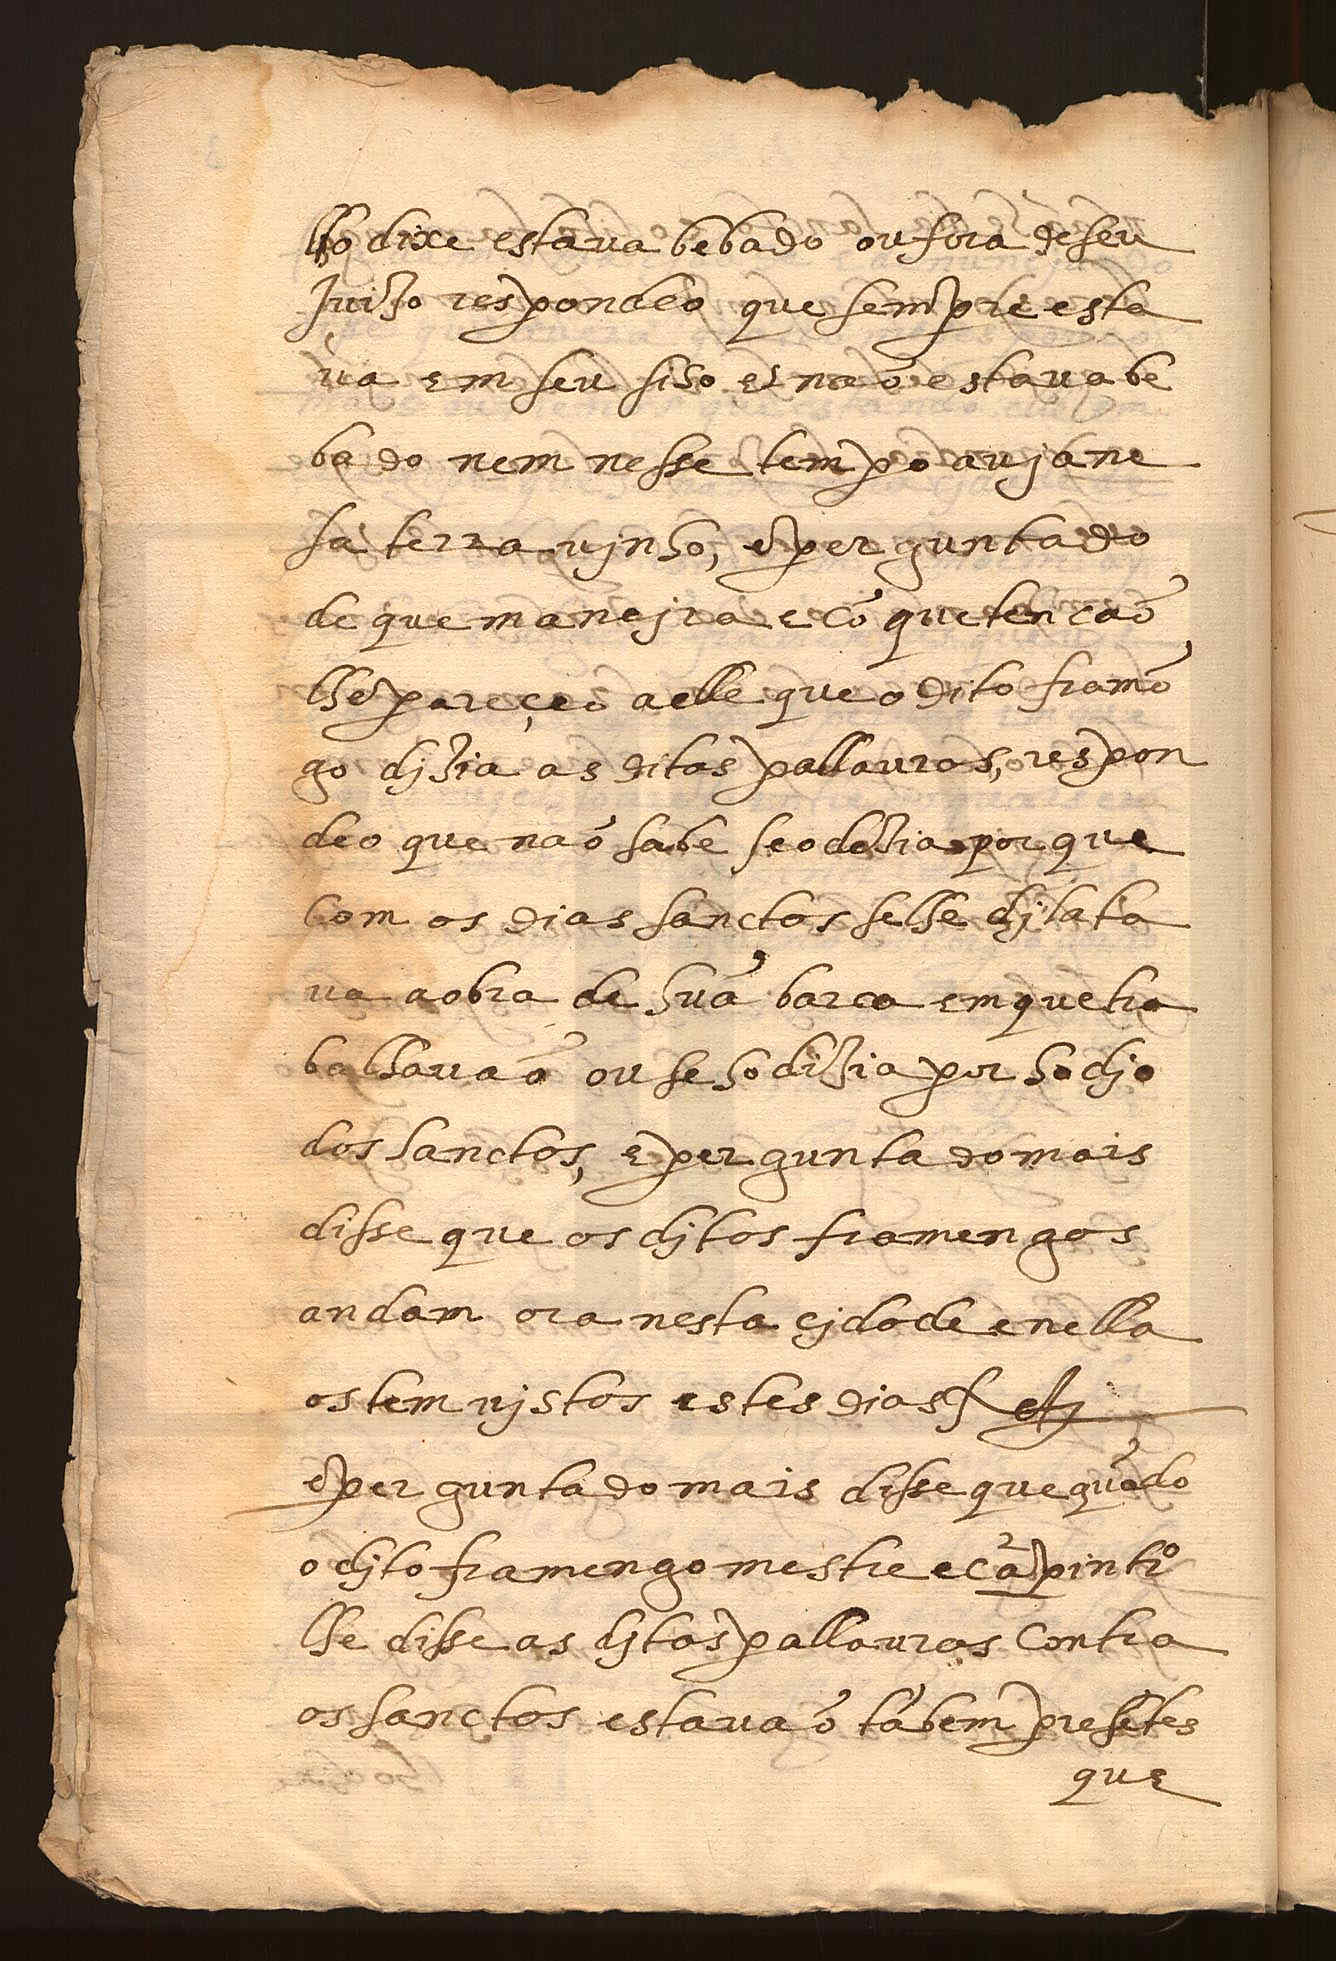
lho dixe estaua bebado ou fora de seu
Juizo respondeo que sempre esta
ua Em seu siso E naõ estaua be
bado nem nesse tempo auja ne
sa terra uinho, e perguntado
de que manejra E cō que tençaõ
lhe pareceo a elle que o dito framē
go dizia as ditas pallauras, respon
deo que naõ sabe se o dezia porque
com os dias sanctos se lhe djlata
ua a obra de huā barca Em que tra
balhauaõ ou se ho dizia por hodjo
dos Sanctos, E perguntado mais
disse que os djtos framengos
andam ora nesta cjdade e nella
os tem ujstos estes dias
e perguntado mais disse que quādo
o djto framengo mestre e carpintro
lhe disse as ditas pallauras contra
os sanctos estauaõ tābem presētes
que
